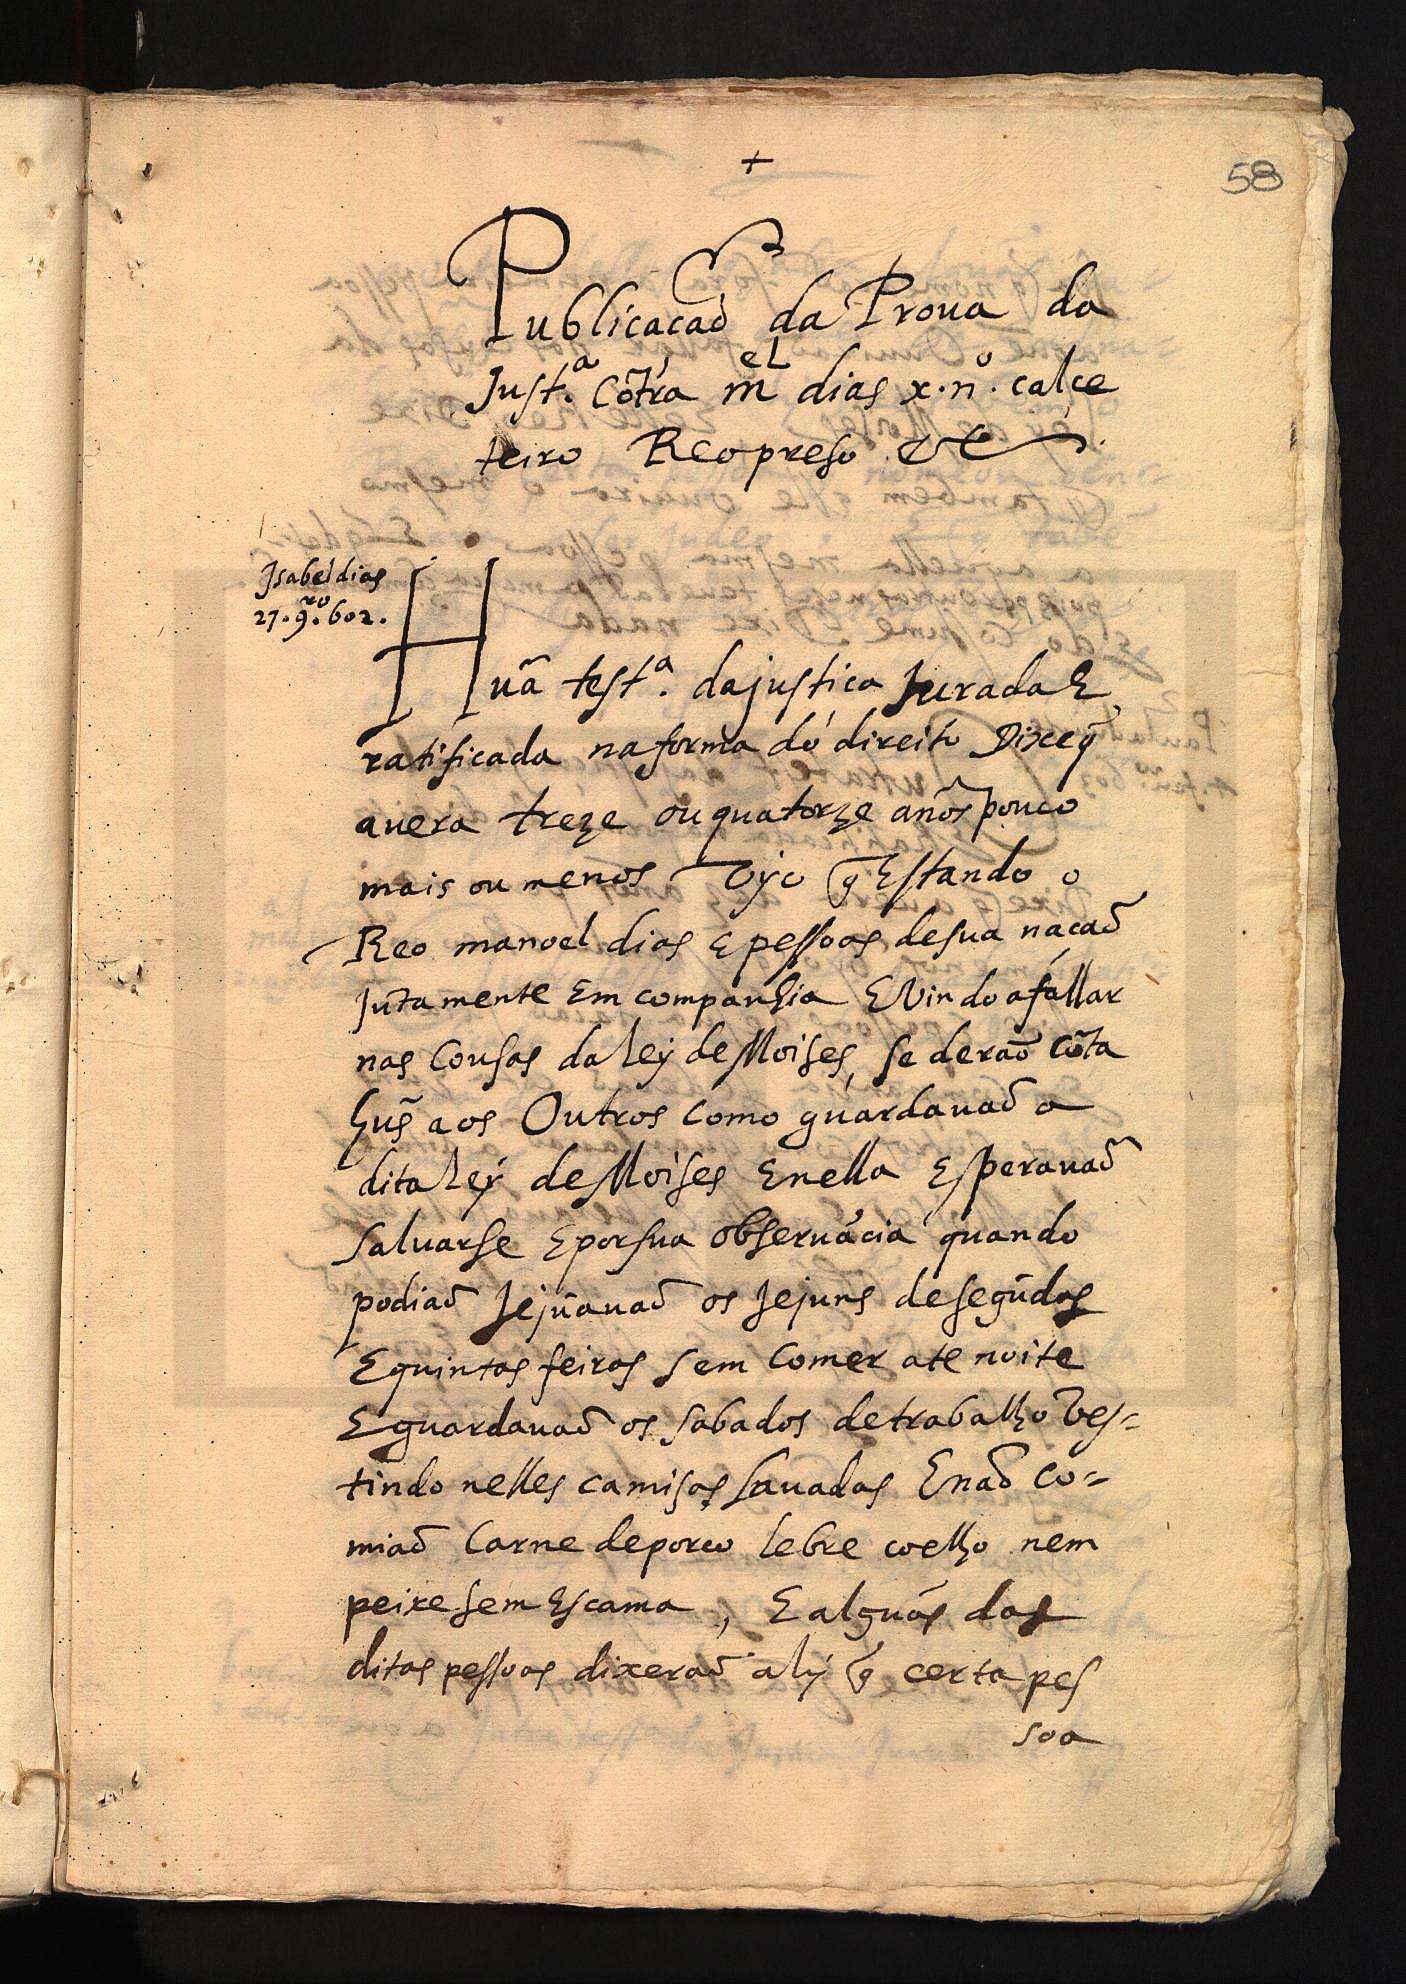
Publicação da Proua da
Just.a Cōtra mer dias x. no. calçe
teiro Reo preso et
Jsabel dias
27.9ro.6o2.
Huā testa. da justiça Jurada E
ratificada na forma do direito Dixe q̄
auera treze ou quatorze anōs pouco
mais ou menos Vyo q̄ Estando o
Reo manoel dias E pessoas de sua naçaõ
Jūtamente Em companhia E vindo a fallar
nas Cousas da Ley de Moises, se deraõ cōta
hus̄ aos Outros Como guardauaõ a
dita Ley de Moises E nella Esperauaõ
saluarse E por sua obseruācia quando
podiaõ Jejuāuaõ os Jejuns de segūdas
E quintas feiras sem Comer ate noite
E guardauaõ os sabados de trabalho ves
tindo nelles camisas Lauadas E naõ co
miaõ Carne de porco lebre coelho nem
peixe sem Escama, E alguas̄ das
ditas pessoas dizeraõ aly q̄ certa pes
soa
